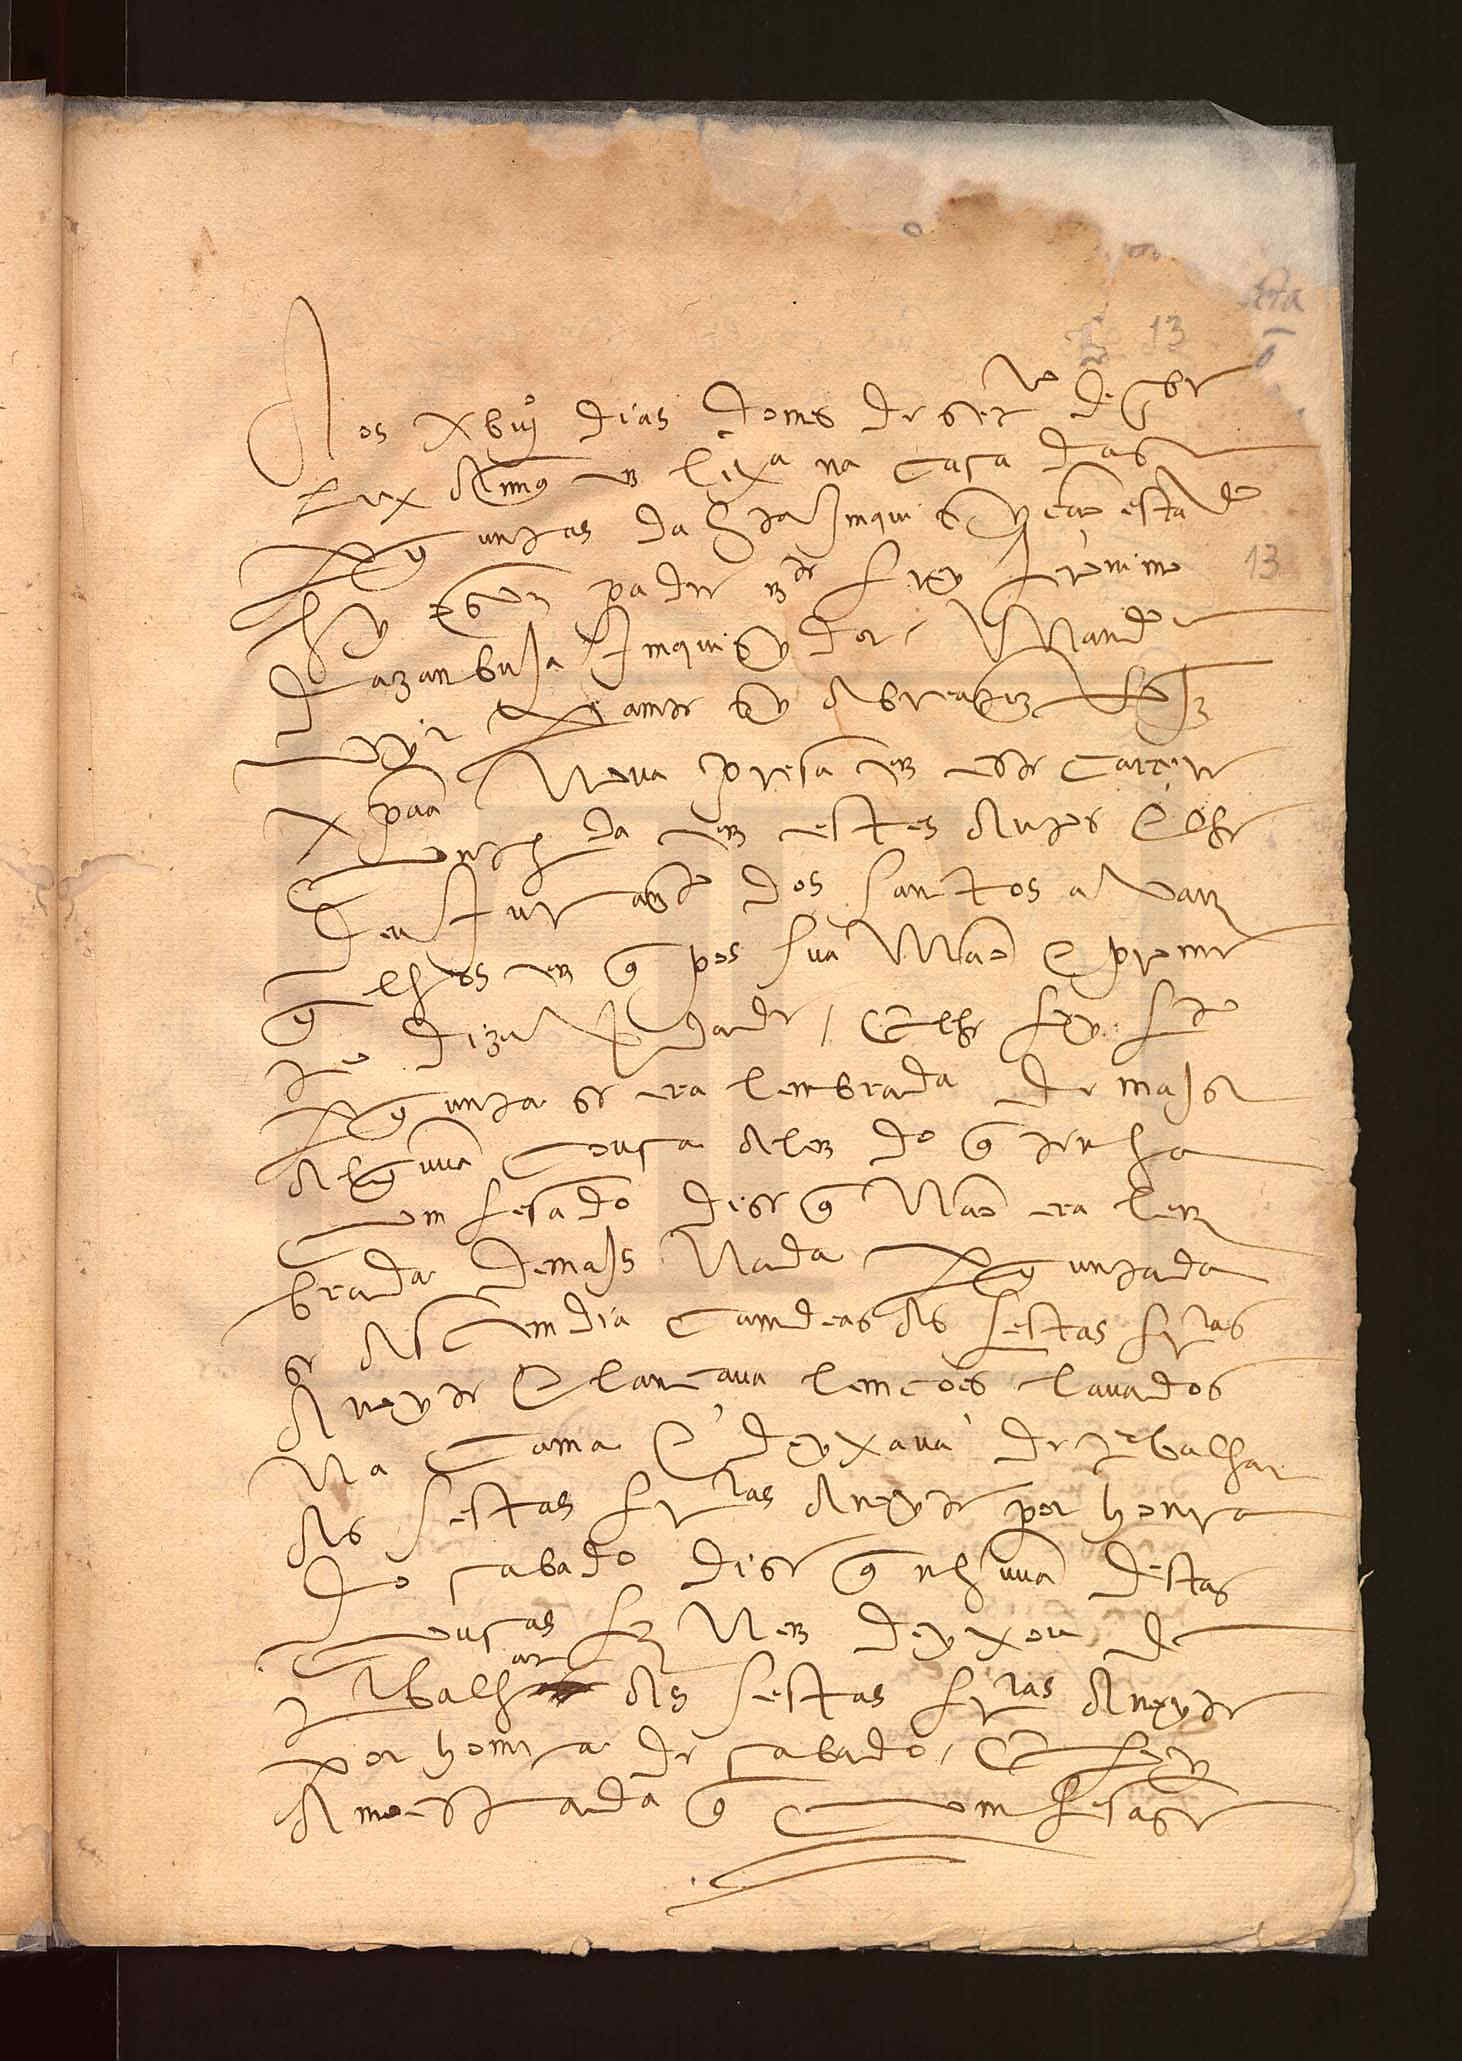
Aos xbiijo dias do mes de setro de j̄ bc
Lix Ann̄ꝯ em lixa na casa das
ꝑguntas da Sta Jmquisyção estādo
hy o s̄or padre mte frey Jeronimo
dazanbuJa Jmquisydor Mandou
vyr ꝑante sy A breatiz Rōjz
Xp̄aa Noua presa em este carcere
Conthda em estes Autos e lhe
deu Juramto dos Sanctos avam
gelhos em q̄ pos sua Mão e prome
teo dize ꝟdade / E lhe foy fto
ꝑgunta se era lembrada de maJs
Alguūa Cousa Alem do q̄ tinha
Comfesado dise q̄ Não era lem
brada de maJs Nada ꝑguntada
se Ascemdia Camdeas As sestas frras
A noyte e lançaua lemçoēs lauados
Na Cama e deyxaua de trbalhar
As sestas frras A noyte por honra
do sabado dise q̄ nhūua destas
Cousas fez Nem deyxou de
trbalhar As sestas frras A noyte
por homra de sabado / E foy
Amoestada q̄ Comfesase
